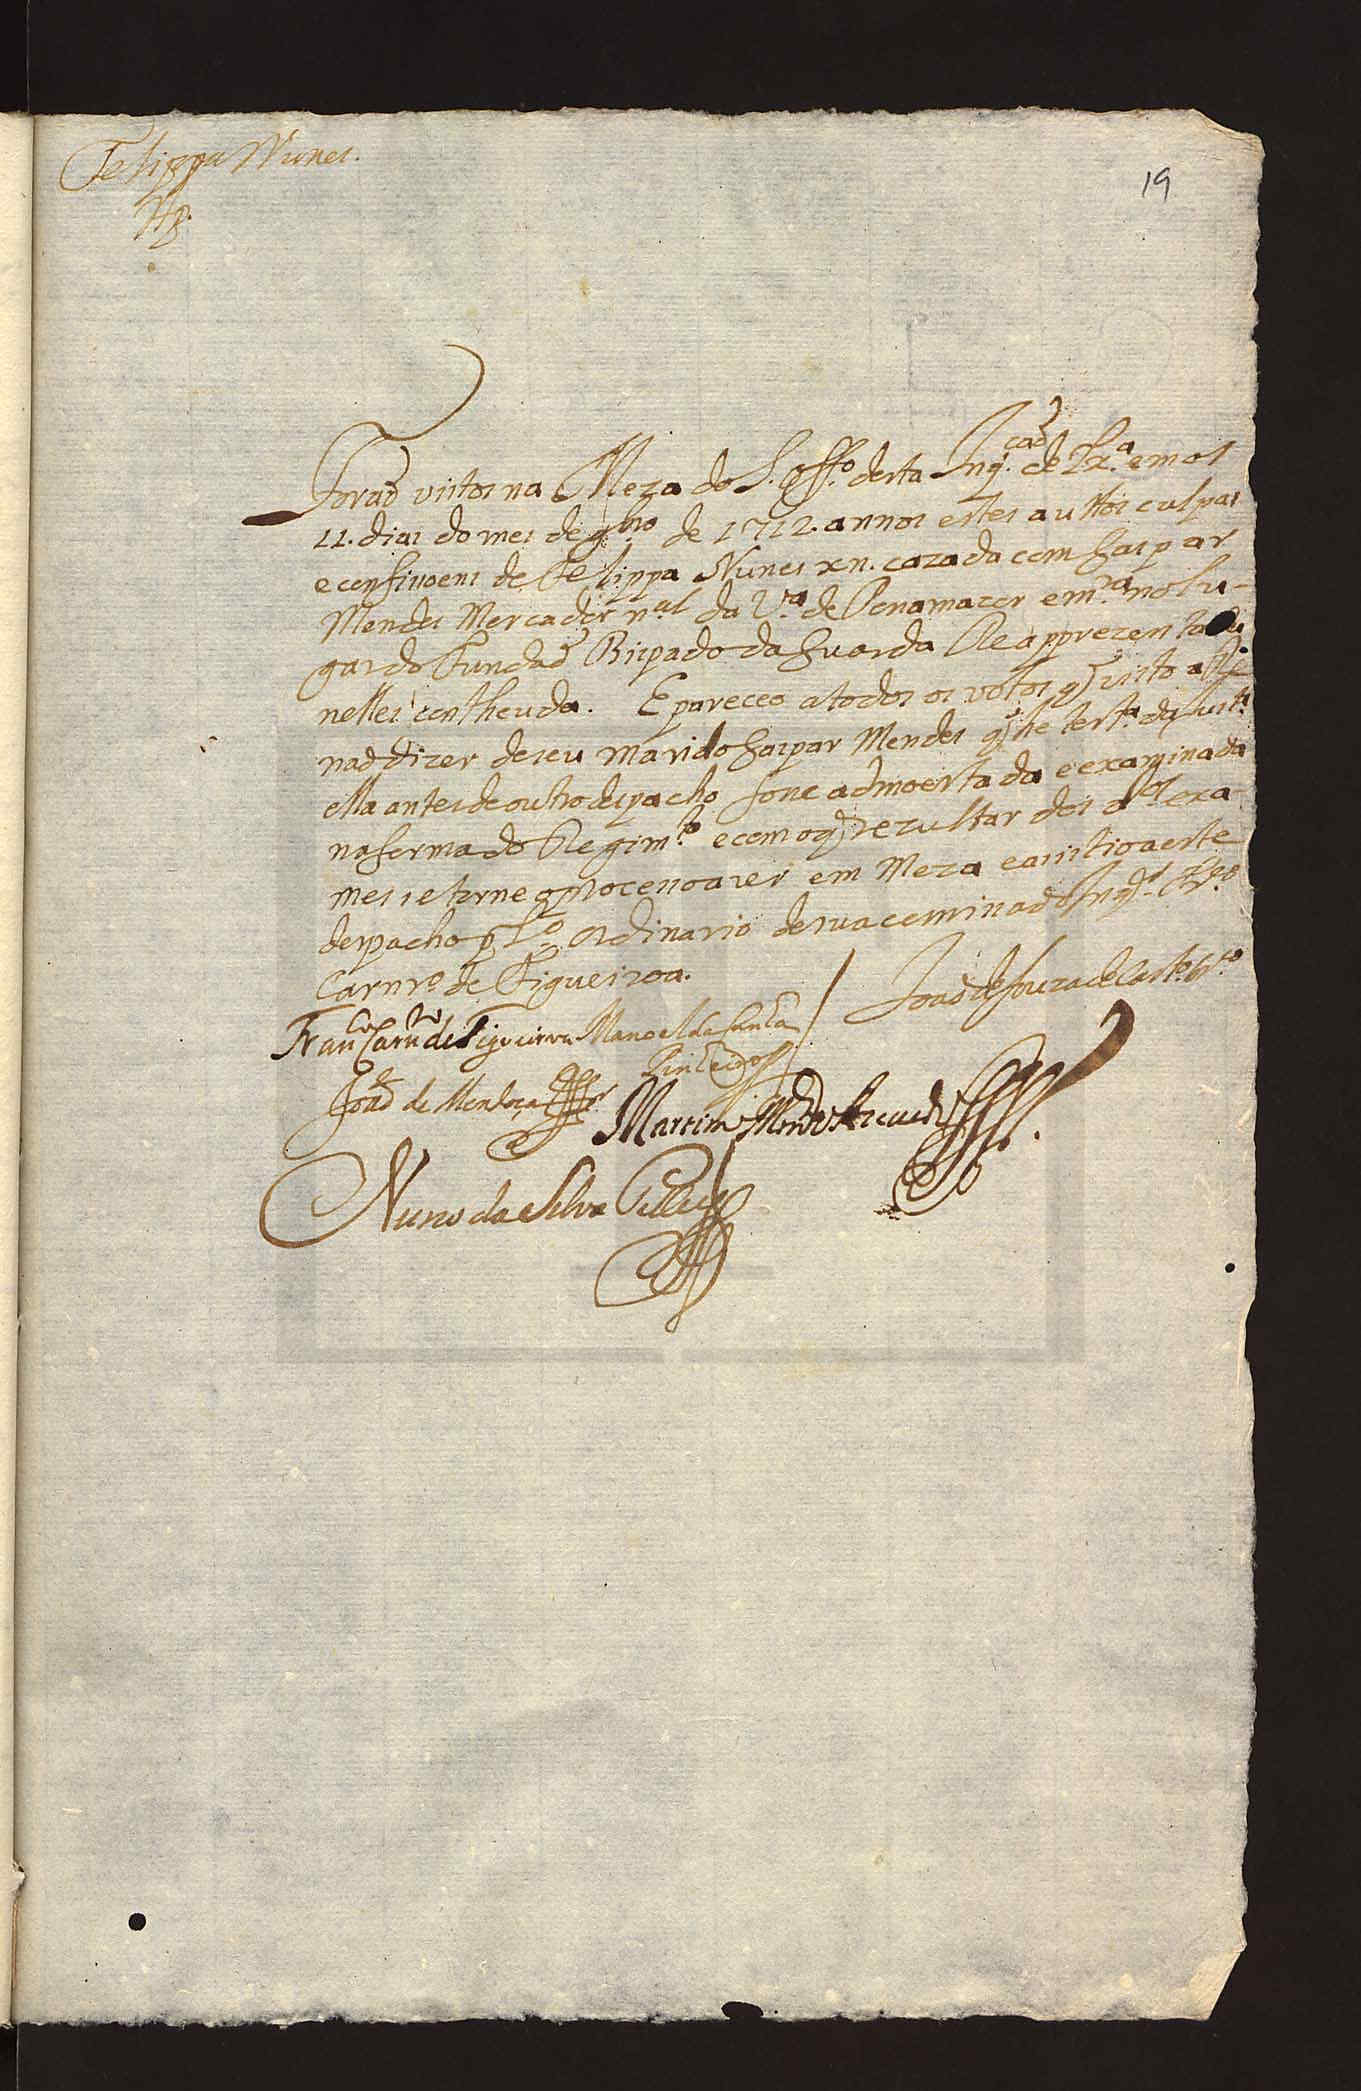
Felippa Nunes.
Ap.
Foraõ vistos na Meza do S. off.o desta Inq.çaõ de Lx.a em os
11. dias do mes de 9.bro de 1712. annos estes auttos culpas
e confissoens de Felippa Nunes xn. cazada com Gaspar
Mendes Mercador n.al da V.a de Penamacor e mra no Lu
gar do Fundaõ Bispado da Guarda Re apprezenta_
nelles contheudo. E pareceo a todos os votos q̄ uisto a Re
naõ dizer de seu marido Gaspar Mendes q̄ he test.a da Just.a
ella antes de outro despacho fosse admoestada e examinada
na forma do Regim.to e com o q̄ rezultar dos dos exa
mes se torne o processo a ver em Meza e assistio a este
despacho pl.o ordinario de sua cominado Inq.r Fr.co
Carnr.o de Figueiroa
Franco Carnro de Figueiroa Manoel da Cunha / Joaõ de Souza de Cast.o br.co
Pinheiro
João de Mendoça
Martim Monto Azeuedo
Nuno da Silva Telles
